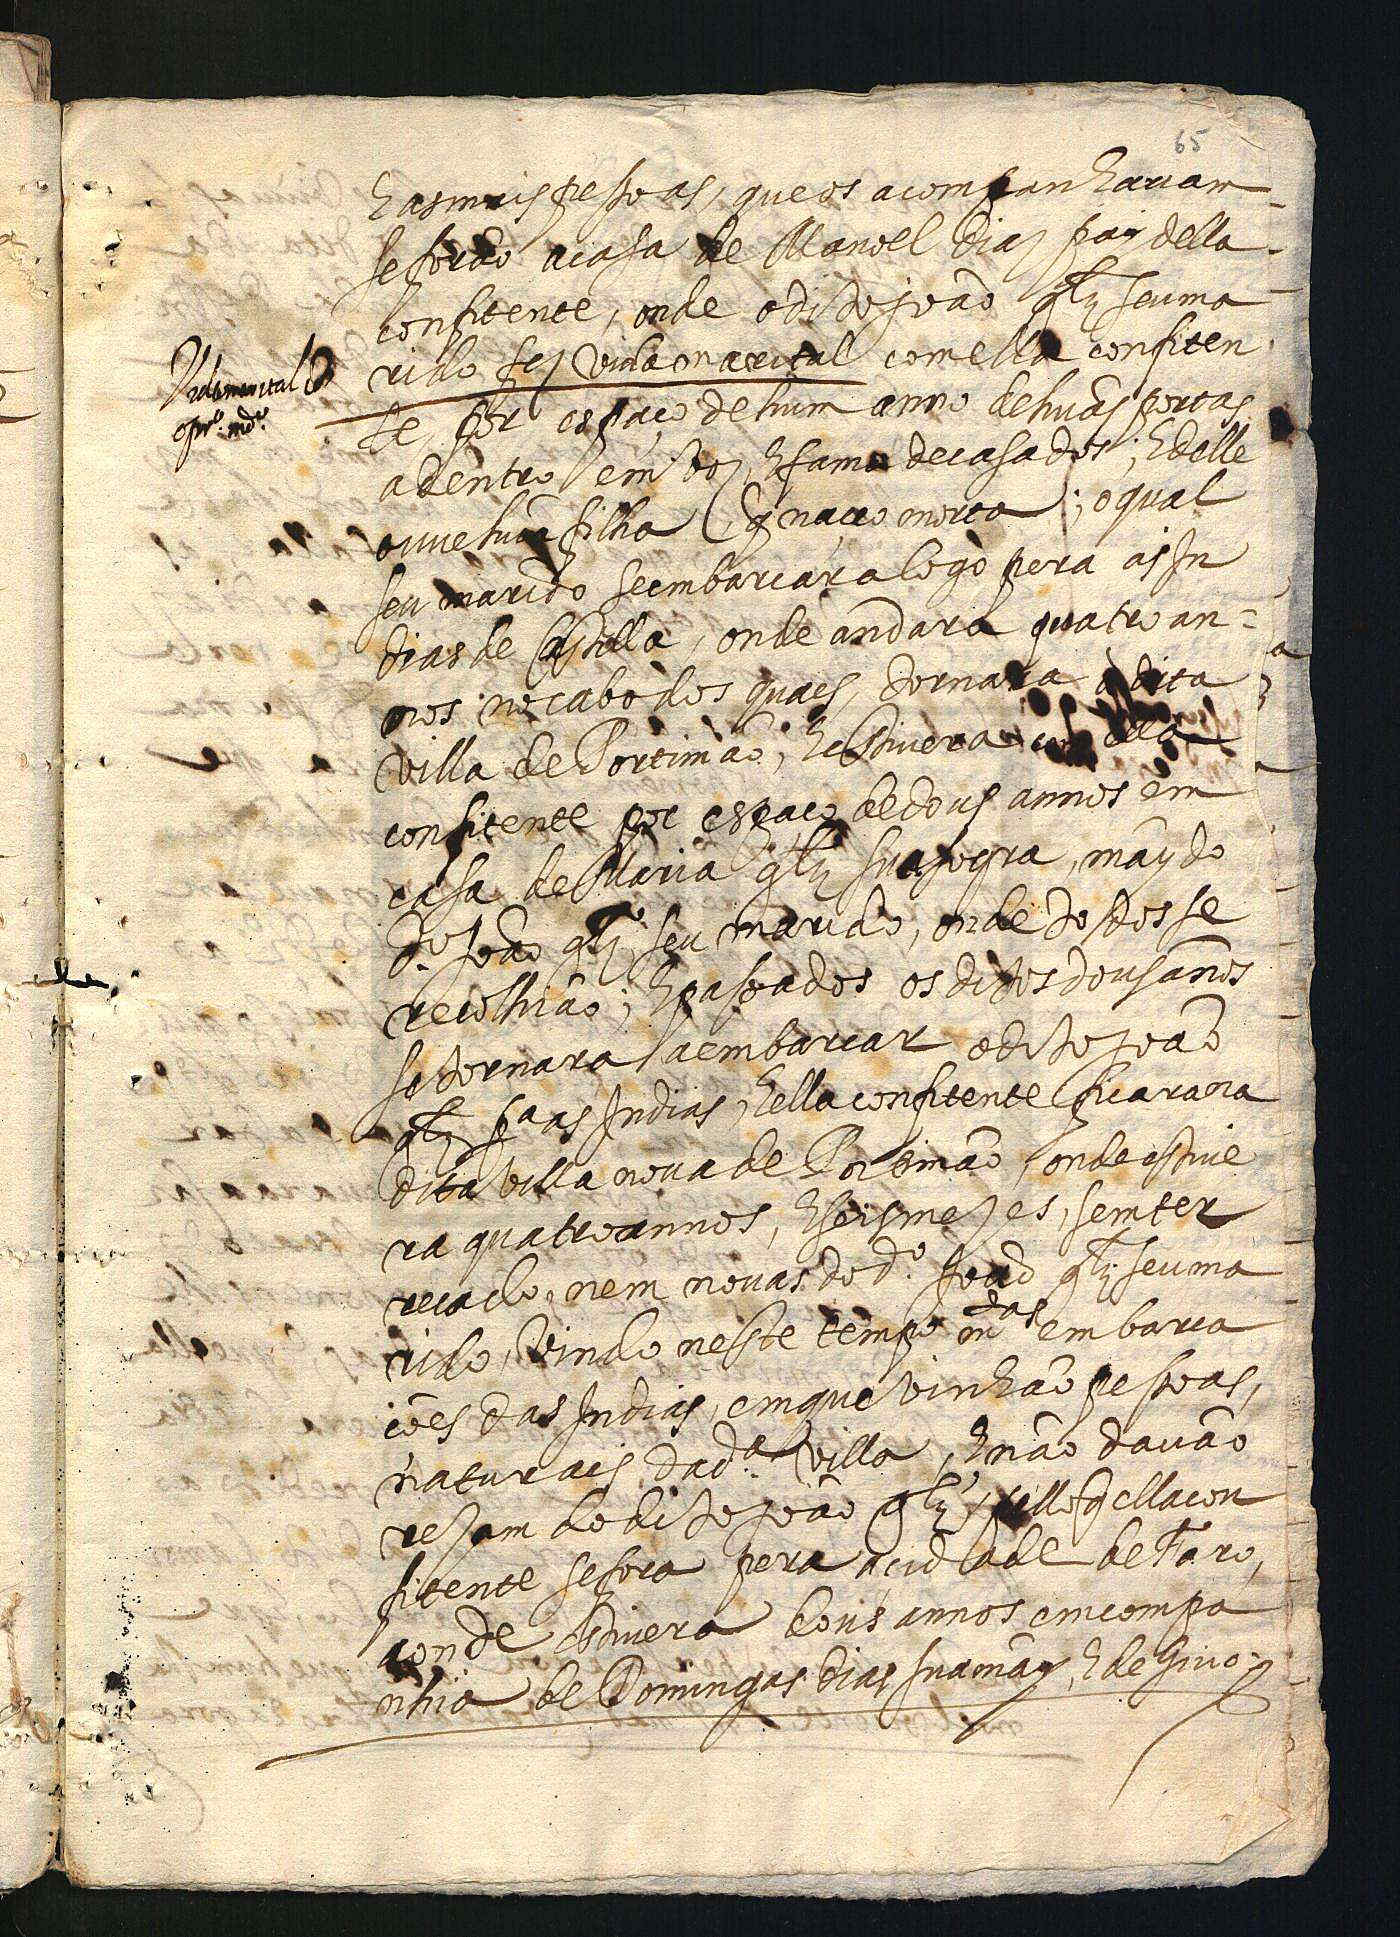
E as mais pessoas, que os acompanhauam
se forão a casa de Manoel dias pay della
confitente, onde o dito joão gl̄z seu ma
rido fez vida marital com ella confiten
te, por espaço de hum anno de huās portas
adentro em vos, E fama de casados; E delle
ouue huā filha, q̄ naçeo morta; o qual
seu marido se embarcara logo pera as Jn
dias de Castella, onde andara quatro an
nos no cabo dos quaes, tornara a dita
villa de Portimaõ, E estiuera co_ ella
confitente por espaço de dous annos em
casa de Maria gl̄z sua sogra, may do
d.o João gl̄z seu marido, onde todos se
recolhião; E passados os ditos dous an̄os
se tornara a embarcar o dito joão
gl̄z ꝓa as Jndias, E ella confitente ficara na
dita villa noua de Portimão, onde estiue
ra quatro annos, E seis meses, sem ter
recado, nem nouas do d.o João gl̄z seu ma
rido, Vindo neste tempo mtas embarca
ções das Jndias, em que vinhaõ pessoas,
naturais da d.a villa, E não dauão
resam do dito joão gl̄z, pello q̄ ella con
fitente se fora pera a çidade de Faro,
aonde estiuera dous annos em compa
nhia de Domingas dias sua mãj, E de Guio
